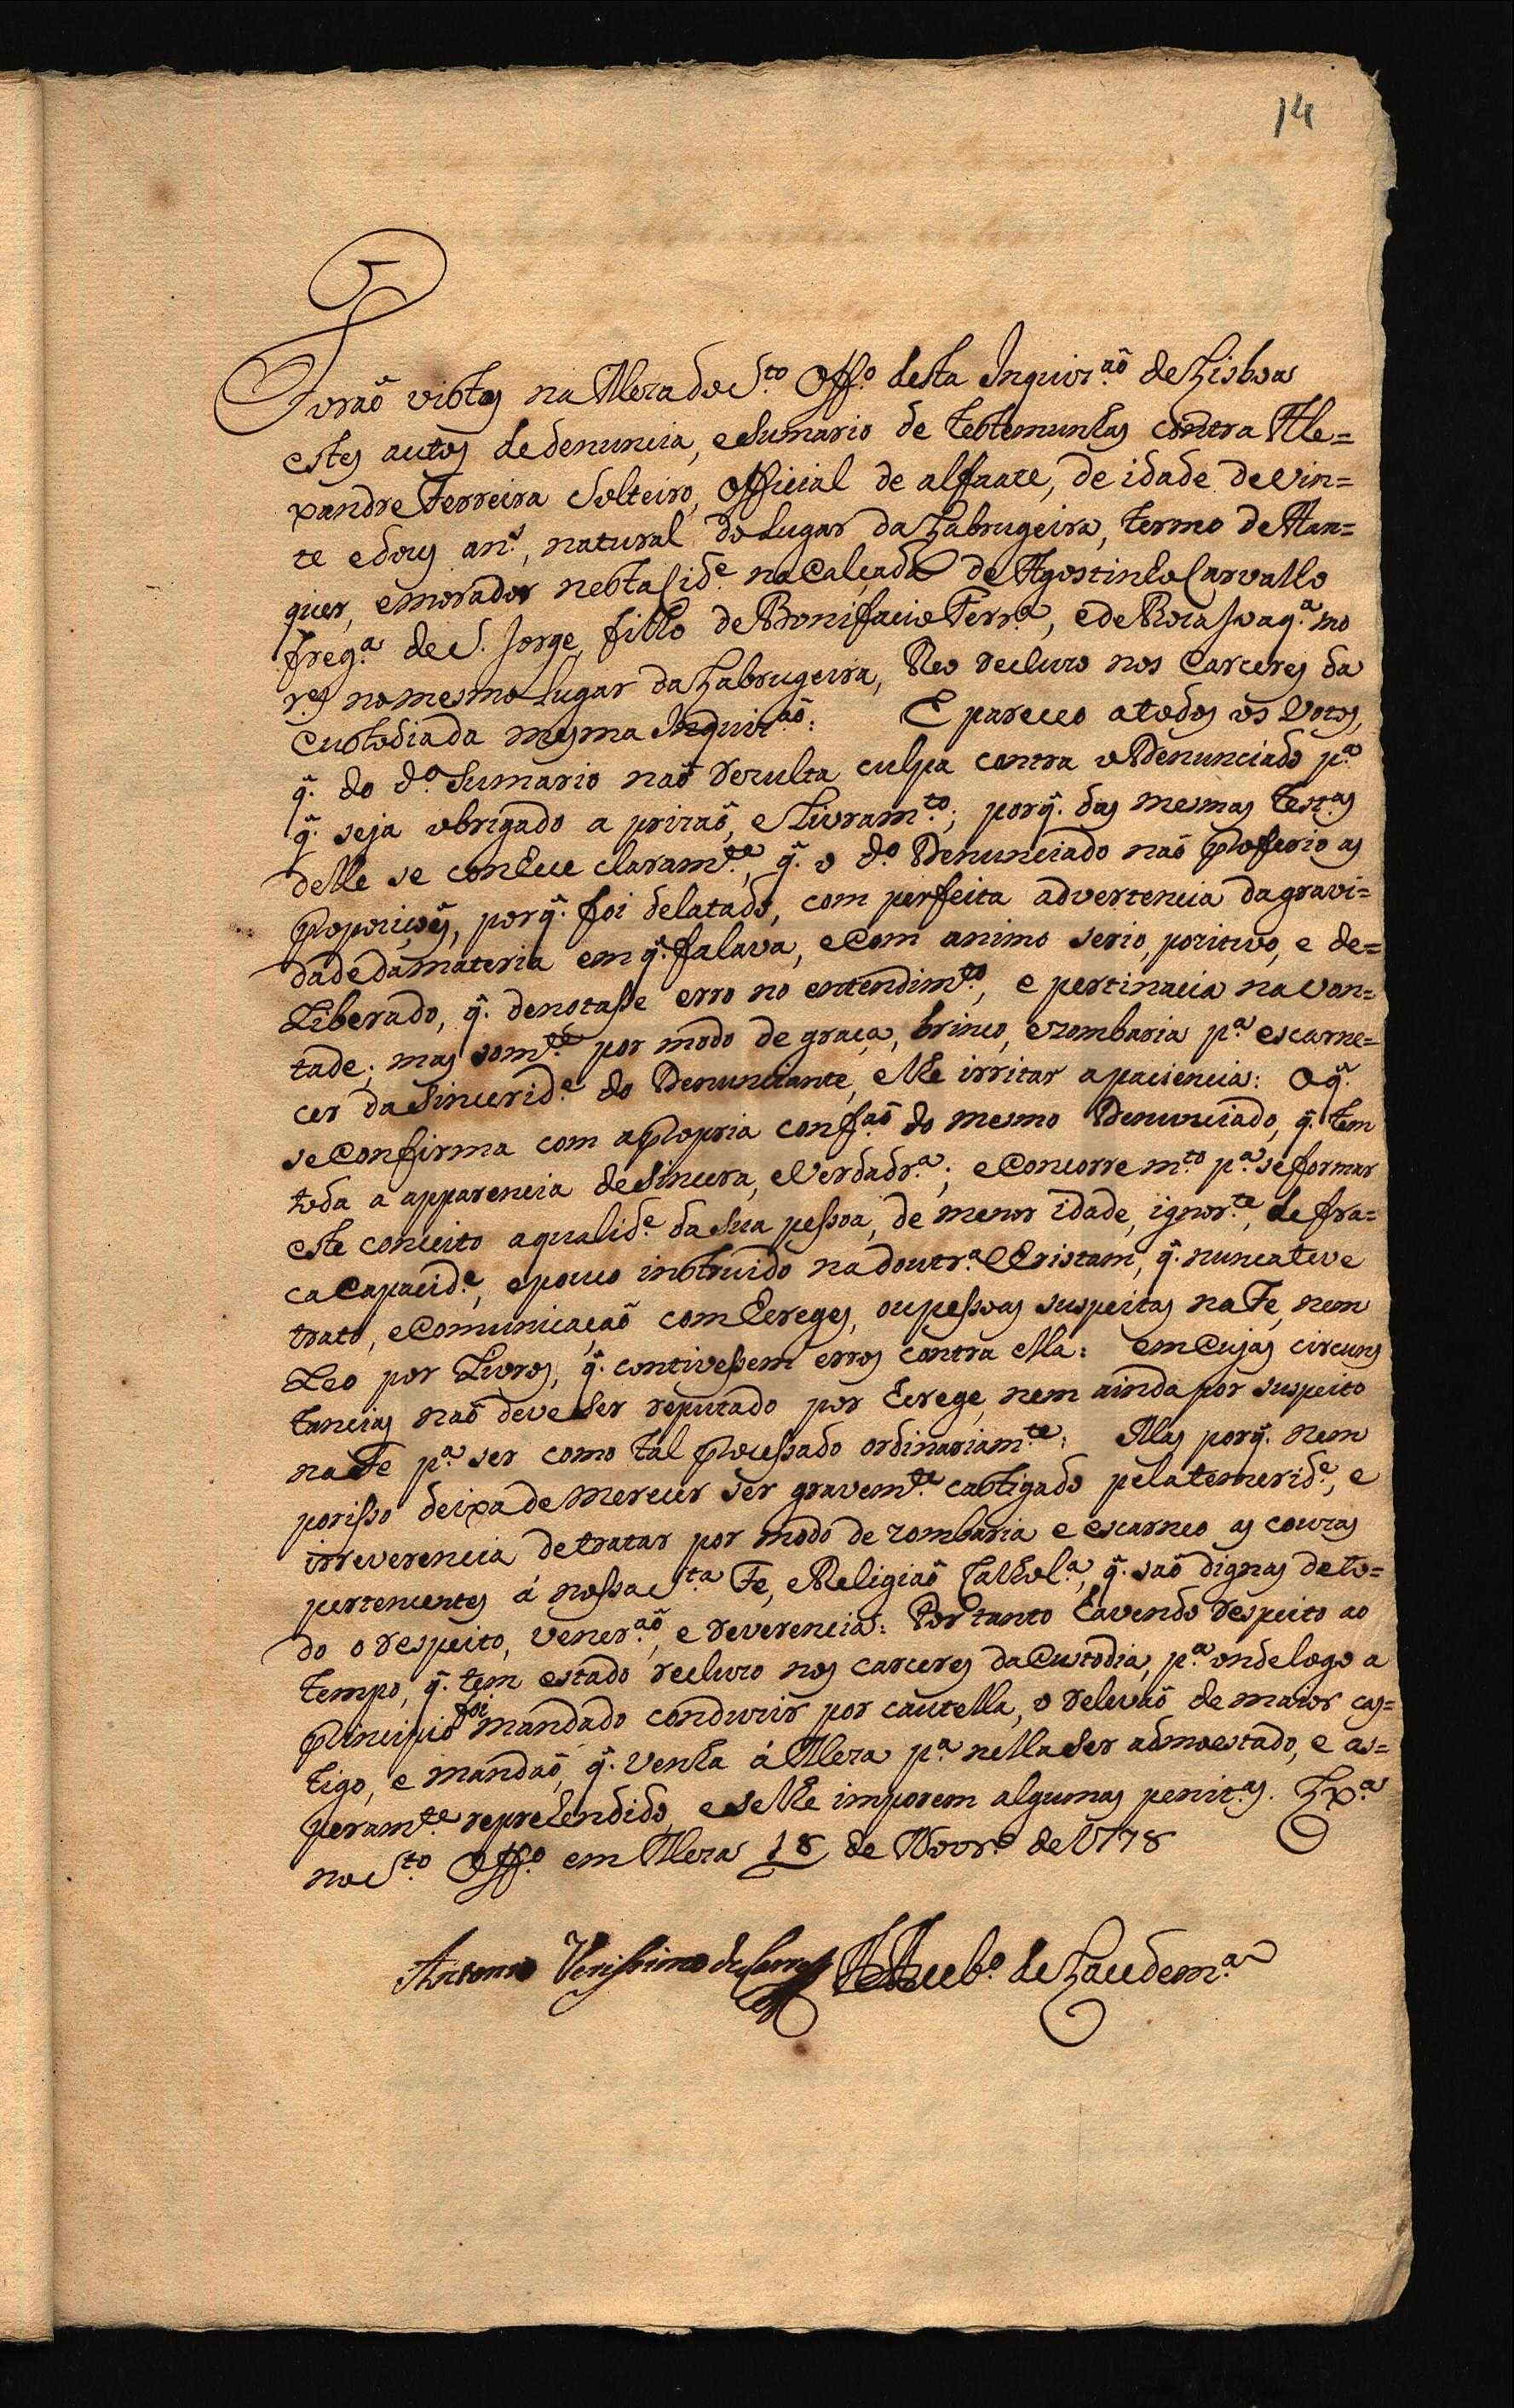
Foraõ vistos na Meza do S.to Off.o desta Inquiz.aõ de Lisboa
estes autos de denuncia, e Sumario de testemunhas contra Ale
xandre Ferreira Solteiro, official de alfaate, de idade de vin
te e dous an.s, natural do Lugar da Labrugeira, termo de Alan
quer e morador nesta Cid.e na Calçada de Agostinho Carvalho
freg.a de S. Jorge filho de Bonifacio Ferr.a, e de Roza Joaq.a mo
r.es no mesmo Lugar da Labrugeira, Reo recluzo nos Carceres da
custodia da mesma Inquiz.aõ: E pareceo a todos os votos,
q̄ do d.o Sumario naõ rezulta culpa contra o Denunciado p.a
q̄ seja obrigado a prizaõ, e Livram.to; porq̄ das mesmas test.as
delle se conhece claram.te, q̄ o d.o Denunciado naõ pRoferio as
pRopoziçoẽs, porq̄ foi delatado, com perfeita advertencia da gravi
dade da materia em q̄ falava, e com animo serio, pozitivo, e de
Liberado, q̄ denotasse erro no entendim.to, e pertinacia na von
tade; mas som.te por modo de graça, brinco, e zombaria p.a escarne
cer da Sincerid.e do Denunciante, e lhe irritar a paciencia: O q̄
se confirma com a pRopria conf.aõ do mesmo Denunciado, q̄ tem
toda a apparencia de Sincera, e verdadr.a; e concorre m.to p.a se formar
este conceito a qualid.e da sua pessoa, de menor idade, ignor.te, de fra
ca capacid.e, e pouco instruido na doutr.a christam, q̄ nunca teve
trato, e comunicaçaõ com hereges, ou pessoas suspeitas na Fe, nem
Leo por Livros, q̄ contivessem erros contra ella: em cujas circuns
tancias naõ deve ser reputado por herege, nem ainda por suspeito
na Fe p.a ser como tal processado ordinariam.te; Mas porq̄ nem
por isso deixa de merecer ser gravem.te castigado pela temerid.e, e
irreverencia de tratar por modo de zombaria e escarneo as couzas
pertencentes á nossa S.ta Fe, e Religiaõ Cathol.a, q̄ saõ dignas de to
do o respeito, vener.aõ, e reverencia: Portanto havendo respeito ao
tempo, q̄ tem estado recluzo nos carceres da Custodia, p.a onde logo a
pRincipio foi mandado conduzir por cautella, o relevaõ de maior cas
tigo, e mandaõ q̄ venha á Meza p.a nella ser admoestado, e as
peram.te reprehendido, e se lhe imporem algumas penit.as. Lx.a
no S.to Off.o em Meza 18 de Novr.o de 1778
Antonio Verissimo de Larre
Arceb.o de Lacedem.ar
